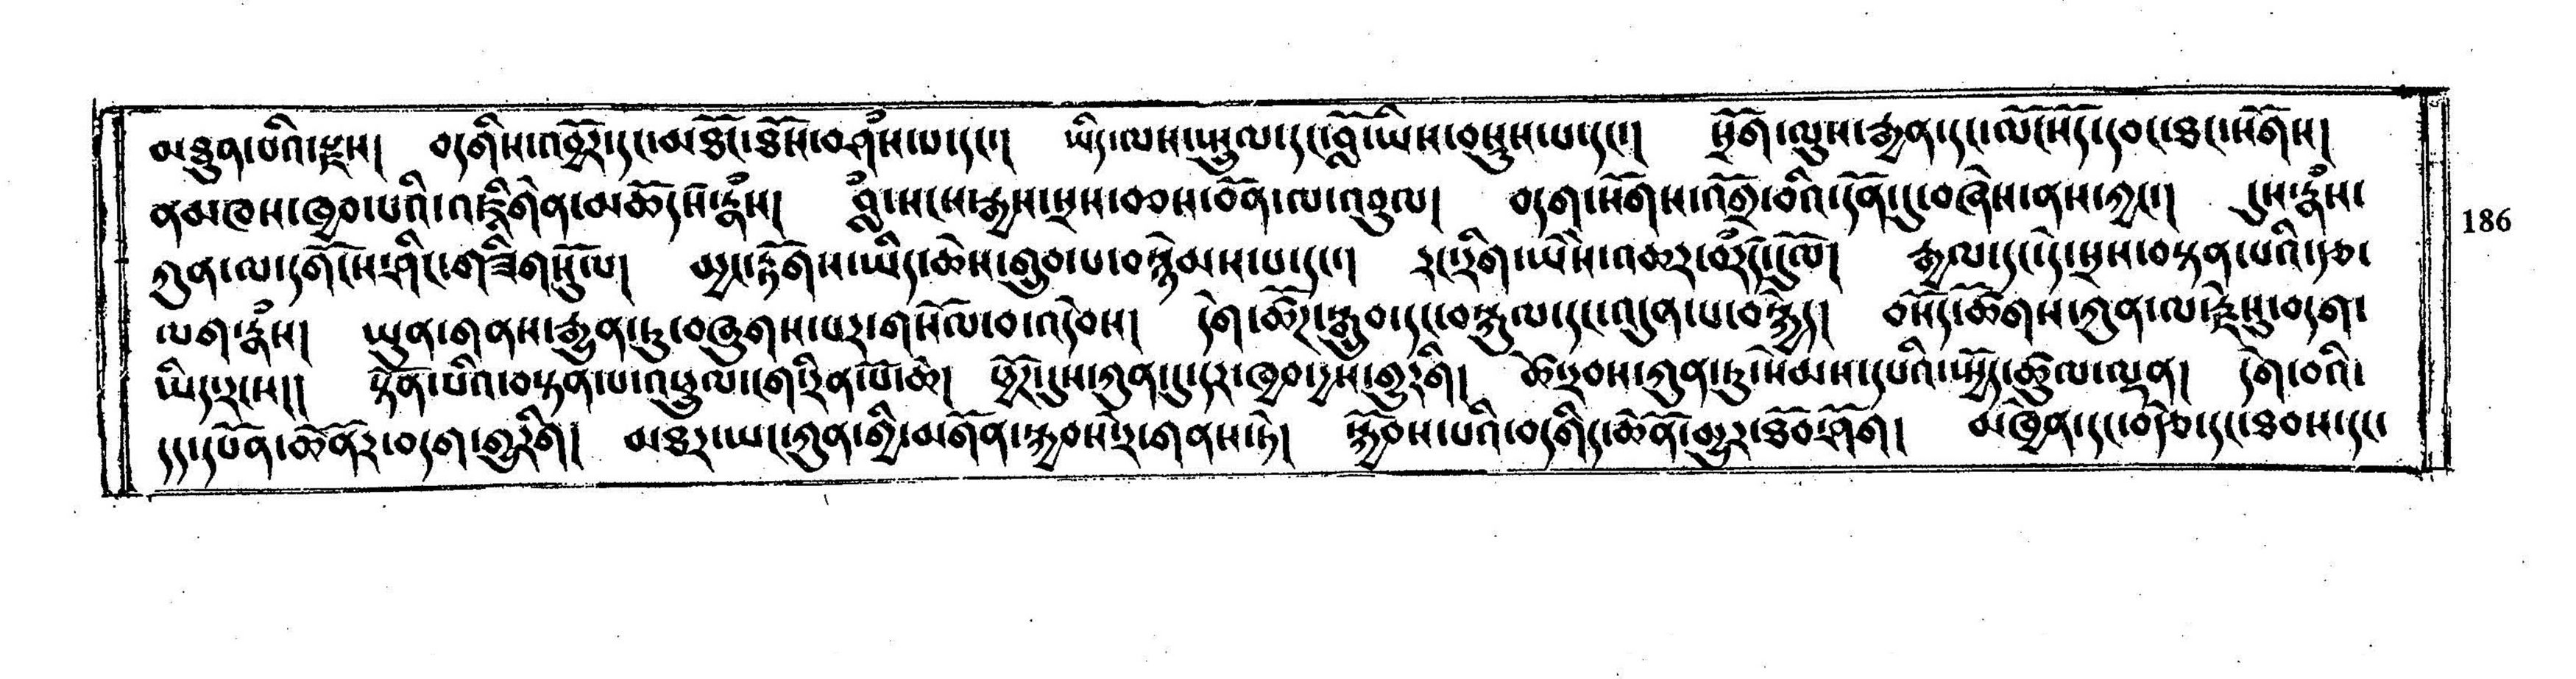མཐུན་པའི་རྫས། བདག་གིས་འབྱོར་དང་མཐོང་ཐོས་བཤམས་པ་དང་། ཡིད་ལས་སྤྲུལ་དང་བློ་ཡིས་བསྡུས་པ་དང་། སྲོག་ལུས་རྒྱན་དང་ལོངས་སྤྱོད་དབང་ཐང་སོགས། 
ནམ་མཁས་ཁྱབ་པའི་འཇིག་རྟེན་མཆོད་རྫས་རྣམས། བླ་མ་སངས་རྒྱས་སྲས་བཅས་བོན་ལ་འབུལ། བདག་སོགས་འགྲོ་བའི་དོན་དུ་བཞེས་ནས་ཀྱང་། དུས་རྣམས་
ཀུན་ལ་དགོངས་ཤིང་གཟིགས་སུ་གསོལ། མྱང་རྟོགས་ཡིད་ཆེས་གྲུབ་པ་བསྙེམས་པ་དང་། རང་རིག་ཡེ་ཤེས་འཆར་བར་མཛད་དུ་གསོལ། རྒྱལ་དང་དེ་སྲས་བསྟན་པའི་རྩ་
ལག་རྣམས། ཡུན་གནས་རྒྱུན་ཏུ་བཞུགས་པར་གསོལ་བ་འདེབས། དགེ་ཚོགས་སྒྲུབ་དང་བསྐུལ་དང་འདུན་པ་བསྐྱེད། བསོད་ཚོགས་ཀུན་ལ་རྗེས་སུ་བདག་
ཡིད་རངས།། སྟོན་པའི་བསྟན་པ་འཕྲུལ་ངག་རིན་པོ་ཆེ། ཕྱོགས་དུས་ཀུན་དུ་དར་ཁྱབ་རྒྱས་གྱུར་ཅིག ཚེ་རབས་ཀུན་ཏུ་སེམས་དཔའི་སྤྱོད་ཚུལ་ལྡན། དགེ་བའི་
དད་དཔོན་ཆེན་པོར་བདག་གྱུར་ཅིག མཐར་ཡང་ཀུན་གྱི་མགོན་སྐྱབས་རེ་གནས་ཏེ། སྐྱོབས་པའི་བདག་ཉིད་ཆེན་པོ་མྱུར་ཐོབ་ཤོག མཁྱེན་དང་བརྩེ་དང་ཐབས་དང་